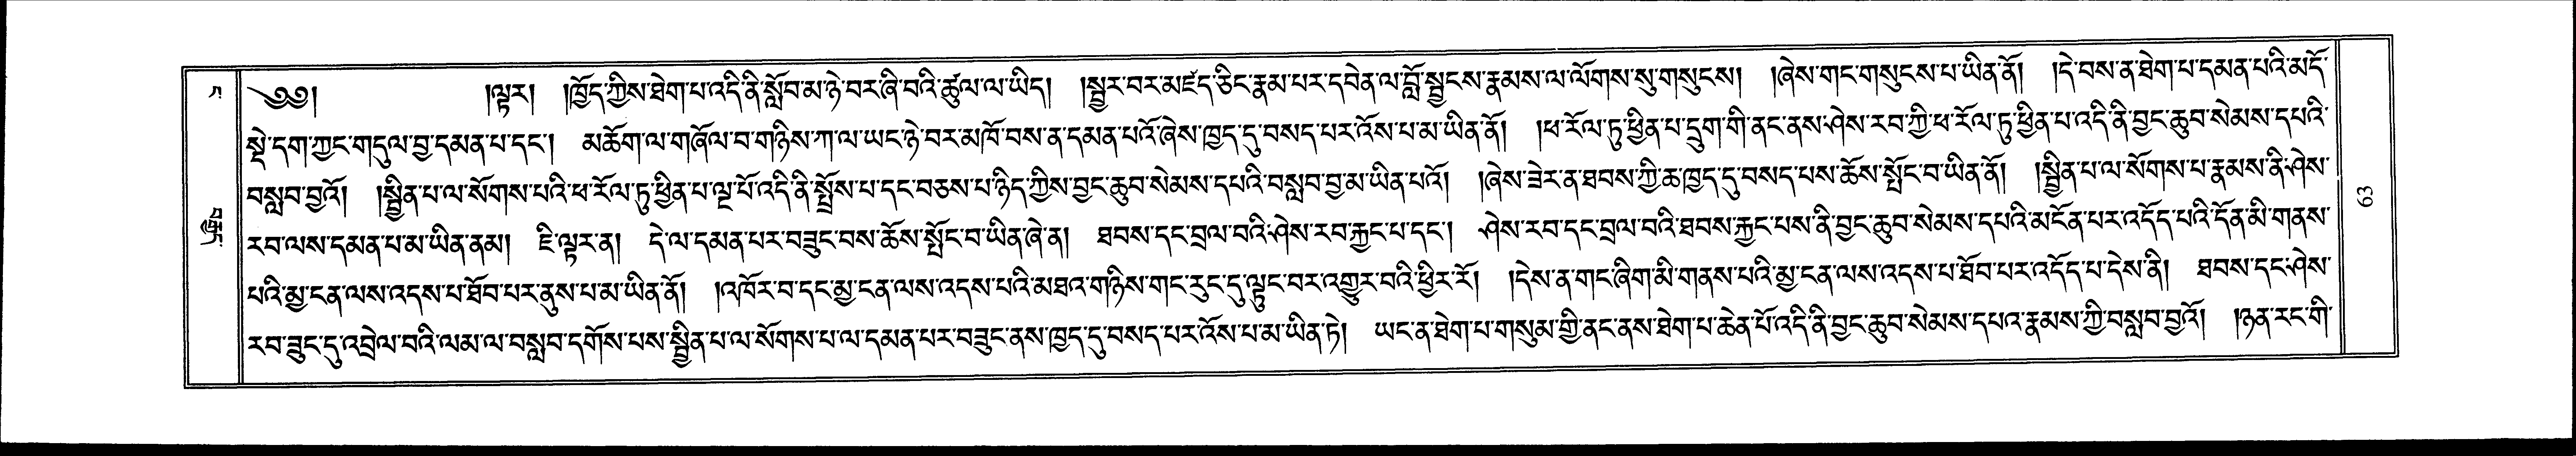༄༅། །ལྟར། །ཁྱོད་ཀྱིས་ཐེག་པ་འདི་ནི་སློབ་མ་ཉེ་བར་ཞི་བའི་ཚུལ་ལ་ཡིད། །སྦྱར་བར་མཛད་ཅིང་རྣམ་པར་དབེན་ལ་བློ་སྦྱངས་རྣམས་ལ་ལོགས་སུ་གསུངས། །ཞེས་གང་གསུངས་པ་ཡིན་ནོ། །དེ་བས་ན་ཐེག་པ་དམན་པའི་མདོ་
སྡེ་དག་ཀྱང་གདུལ་བྱ་དམན་པ་དང་། མཆོག་ལ་གཞོལ་བ་གཉིས་ཀ་ལ་ཡང་ཉེ་བར་མཁོ་བས་ན་དམན་པའོ་ཞེས་ཁྱད་དུ་བསད་པར་འོས་པ་མ་ཡིན་ནོ། །ཕ་རོལ་ཏུ་ཕྱིན་པ་དྲུག་གི་ནང་ནས་ཤེས་རབ་ཀྱི་ཕ་རོལ་ཏུ་ཕྱིན་པ་འདི་ནི་བྱང་ཆུབ་སེམས་དཔའི་
བསླབ་བྱའོ། །སྦྱིན་པ་ལ་སོགས་པའི་ཕ་རོལ་ཏུ་ཕྱིན་པ་ལྔ་པོ་འདི་ནི་སྤྲོས་པ་དང་བཅས་པ་ཉིད་ཀྱིས་བྱང་ཆུབ་སེམས་དཔའི་བསླབ་བྱ་མ་ཡིན་པའོ། །ཞེས་ཟེར་ན་ཐབས་ཀྱི་ཆ་ཁྱད་དུ་བསད་པས་ཆོས་སྤོང་བ་ཡིན་ནོ། །སྦྱིན་པ་ལ་སོགས་པ་རྣམས་ནི་ཤེས་
རབ་ལས་དམན་པ་མ་ཡིན་ནམ། ཇི་ལྟར་ན། དེ་ལ་དམན་པར་བཟུང་བས་ཆོས་སྤོང་བ་ཡིན་ཞེ་ན། ཐབས་དང་བྲལ་བའི་ཤེས་རབ་རྐྱང་པ་དང་། ཤེས་རབ་དང་བྲལ་བའི་ཐབས་རྐྱང་པས་ནི་བྱང་ཆུབ་སེམས་དཔའི་མངོན་པར་འདོད་པའི་དོན་མི་གནས་
པའི་མྱ་ངན་ལས་འདས་པ་ཐོབ་པར་ནུས་པ་མ་ཡིན་ནོ། །འཁོར་བ་དང་མྱ་ངན་ལས་འདས་པའི་མཐའ་གཉིས་གང་རུང་དུ་ལྟུང་བར་འགྱུར་བའི་ཕྱིར་རོ། །དེས་ན་གང་ཞིག་མི་གནས་པའི་མྱ་ངན་ལས་འདས་པ་ཐོབ་པར་འདོད་པ་དེས་ནི། ཐབས་དང་ཤེས་
རབ་ཟུང་དུ་འབྲེལ་བའི་ལམ་ལ་བསླབ་དགོས་པས་སྦྱིན་པ་ལ་སོགས་པ་ལ་དམན་པར་བཟུང་ནས་ཁྱད་དུ་བསད་པར་འོས་པ་མ་ཡིན་ཏེ། ཡང་ན་ཐེག་པ་གསུམ་གྱི་ནང་ནས་ཐེག་པ་ཆེན་པོ་འདི་ནི་བྱང་ཆུབ་སེམས་དཔའ་རྣམས་ཀྱི་བསླབ་བྱའོ། །ཉན་རང་གི་